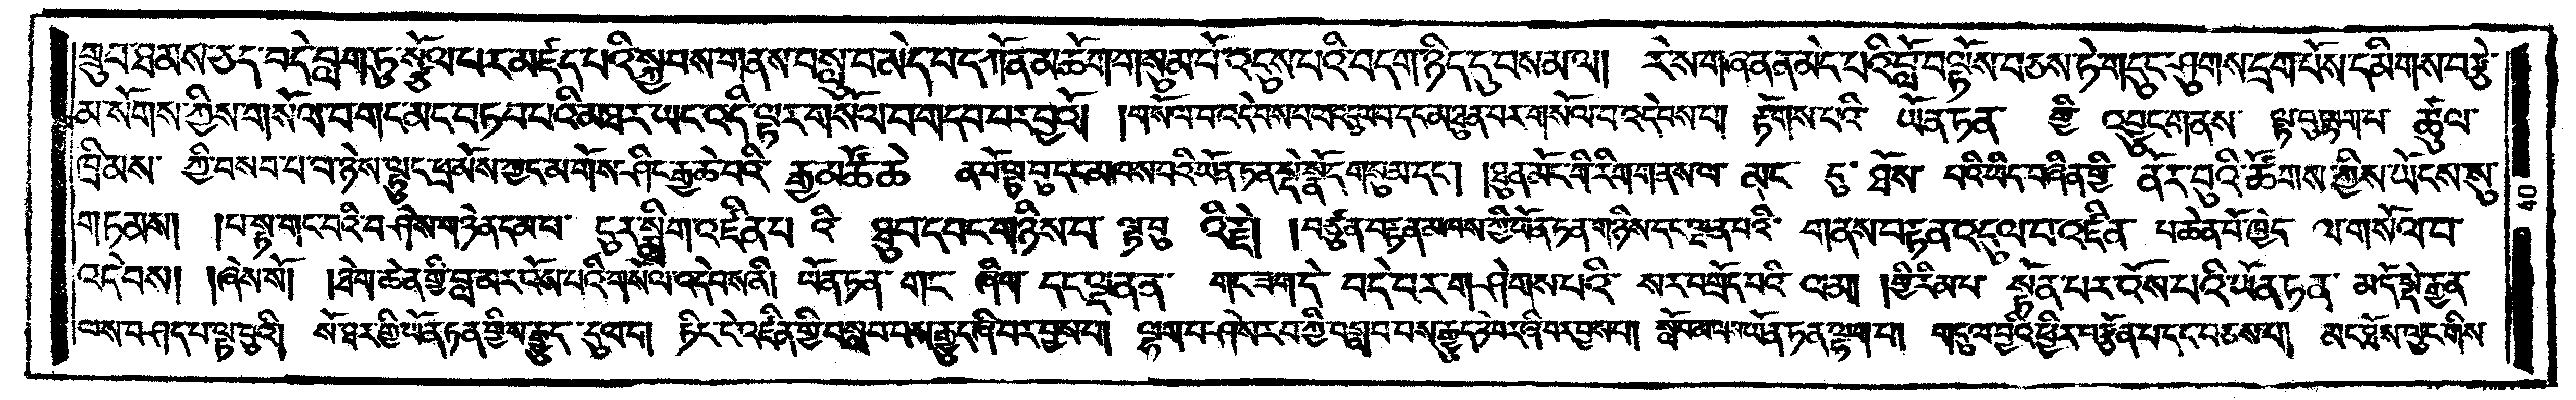གྲུབ་ཐམས་ཅད་བདེ་བླག་ཏུ་སྩོལ་པར་མཛད་པའི་སྐྱབས་གནས་བསླུ་བ་མེད་པ་དཀོན་མཆོག་གསུམ་པོ་འདུས་པའི་བདག་ཉིད་དུ་བསམ་ལ། རེ་ས་གཞན་ན་མེད་པའི་བློ་བལྟོས་བཅས་ཏེ་གདུང་ཤུགས་དྲག་པོས་དམིགས་བརྩེ་
མ་སོགས་ཀྱིས་གསོལ་བ་གང་མང་བཏབ་པའི་མཐར་ཡང་འདི་ལྟར་གསོལ་བ་གདབ་པར་བྱའོ། །གསོལ་བ་འདེབས་པ་ལ་འདུལ་བ་དང་མཐུན་པར་གསོལ་བ་འདེབས་པ། རྟོགས་པའི་ཡོན་ཏན་གྱི་འབྱུང་གནས་ལྟ་བུ་ལྷག་པ་ཚུལ་
ཁྲིམས་ཀྱི་བསབ་པ་ལ་ཉེས་ལྟུང་ཕྲ་མོས་ཀྱང་མ་གོས་ཤིང་རྒྱ་ཆེ་བའི་རྒྱ་མཚོ་ཆེན་པོ་ལྟ་བུ་དང་མཁས་པའི་ཡོན་ཏན་སྡེ་སྣོད་གསུམ་དང་། །ཐུན་མོང་གི་རིག་གནས་ལ་མང་དུ་ཐོས་པའི་ཡིད་བཞིན་གྱི་ནོར་བུའི་ཚོགས་ཀྱིས་ཡོངས་སུ་
གཏམས། །པ་སྟ་གང་བའི་བཤེས་གཉེན་དམ་པ་ངུར་སྨྲིག་འཛིན་པའི་ཐུབ་དབང་གཉིས་པ་ལྟ་བུའི་རྗེ། །བཙུན་བརྟན་མཁས་ཀྱི་ཡོན་ཏན་གཉིས་དང་ལྡན་པའི་གནས་བརྟན་འདུལ་བ་འཛིན་པ་ཆེན་པོ་ཁྱེད་ལ་གསོལ་བ་
འདེབས། །ཞེས་སོ། །ཐེག་ཆེན་གྱི་བླ་མར་འོས་པའི་གསོལ་འདེབས་ནི། ཡོན་ཏན་གང་ཞིག་དང་ལྡན་ན་གང་ཟག་དེ་བདེ་བར་གཤེགས་པའི་སར་བགྲོད་པའི་ལམ། །གྱི་རིམ་པ་སྟོན་པར་འོས་པའི་ཡོན་ཏན་མདོ་སྡེ་རྒྱན་
ལས་བཤད་པ་ལྟ་བུའི། སོ་ཐར་གྱི་ཡོན་ཏན་གྱིས་རྒྱུད་དུལ་བ། ཏིང་ངེ་འཛིན་གྱི་བསླབ་པས་རྒྱུད་ཞི་བར་བྱས་པ། ལྷག་པ་ཤེས་རབ་ཀྱི་བསླབ་པས་རྒྱུད་ཉེ་བར་ཞི་བར་བྱས་པ། སློབ་མ་ལ་ཡོན་ཏན་ལྷག་པ། གདུལ་བྱའི་ཕྱིར་བརྩོན་པ་དང་བཅས་པ། མང་ཐོས་ལུང་གིས་